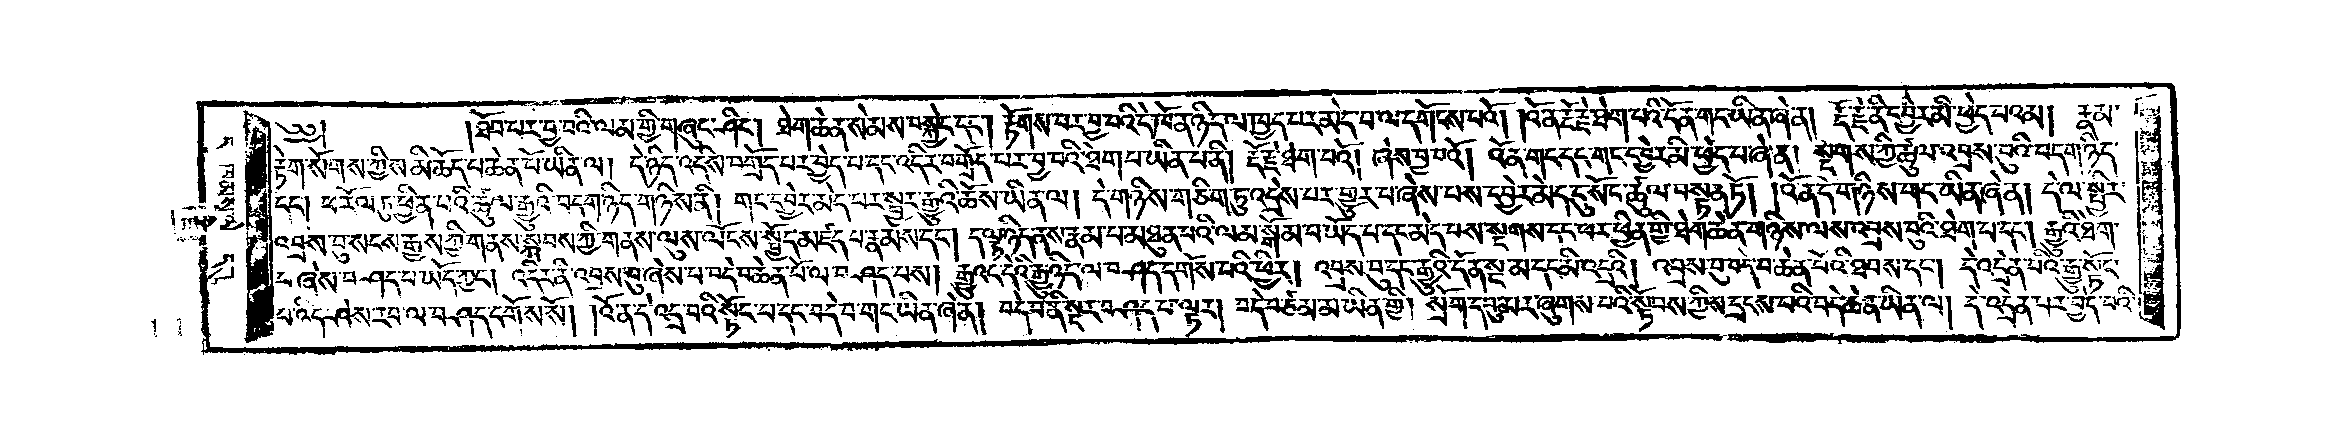༄༅། །ཐོབ་པར་བྱ་བའི་ལམ་གྱི་གཞུང་ཤིང་། ཐེག་ཆེན་སེམས་བསྐྱེད་དང་། རྟོགས་པར་བྱ་བའི་དེ་ཁོ་ན་ཉིད་ལ་ཁྱད་པར་མེད་པ་ལ་དགོངས་པའོ། །འོ་ན་རྡོ་རྗེ་ཐེག་པའི་དོན་གང་ཡིན་ཞེ་ན། རྡོ་རྗེ་ནི་དབྱེར་མི་ཕྱེད་པའམ། རྣམ་
རྟོག་སོགས་ཀྱིས་མི་ཆོད་པ་ཆེན་པོ་ཡིན་ལ། དེ་ཉིད་འདིས་བགྲོད་པར་བྱེད་པ་དང་འདིར་བགྲོད་པར་བྱ་བའི་ཐེག་པ་ཡིན་པ་ནི། རྡོ་རྗེ་ཐེག་པའོ། ཞེས་བྱ་བའོ། འོ་ན་གང་དང་གང་དབྱེར་མི་ཕྱེད་པ་ཞེ་ན། སྔགས་ཀྱི་ཚུལ་འབྲས་བུའི་བདག་ཉིད་
དང་། ཕ་རོལ་ཏུ་ཕྱིན་པའི་ཚུལ་རྒྱུའི་བདག་ཉིད་གཉིས་ནི། གང་དབྱེར་མེད་པར་སྦྱར་རྒྱུའི་ཆོས་ཡིན་ལ། དེ་གཉིས་གཅིག་ཏུ་འདྲེས་པར་གྱུར་པ་ཞེས་པས་དབྱེར་མེད་དུ་སོང་ཚུལ་བསྟན་ཏོ། །འོ་ན་དེ་གཉིས་གང་ཡིན་ཞེ་ན། དེ་ལ་སྤྱིར་
འབྲས་བུ་སངས་རྒྱས་ཀྱི་གནས་སྐབས་ཀྱི་གནས་ལུས་ལོངས་སྤྱོད་མཛད་པ་རྣམས་དང་། ད་ལྟ་ཉིད་ནས་རྣམ་པ་མཐུན་པའི་ལམ་སྒོམ་པ་ཡོད་པ་དང་མེད་པས་སྔགས་དང་ཕར་ཕྱིན་གྱི་ཐེག་ཆེན་གཉིས་ལས་འབྲས་བུའི་ཐེག་པ་དང་། རྒྱུའི་ཐེག་
པ་ཞེས་བཤད་པ་ཡོད་ཀྱང་། འདིར་ནི་འབྲས་བུ་ཞེས་པ་བདེ་བ་ཆེན་པོ་ལ་བཤད་པས། རྒྱུའང་དེའི་རྒྱུ་ཉིད་ལ་བཤད་དགོས་པའི་ཕྱིར། འབྲས་བུ་དང་རྒྱུའི་དོན་སྔ་མ་དང་མི་འདྲའི། འབྲས་བུ་བདེ་བ་ཆེན་པོའི་ཐབས་དང་། དེ་འདྲེན་པའི་རྒྱུ་སྟོང་
པ་ཉིད་ཤེས་རབ་ལ་བཤད་དགོས་སོ། །འོ་ན་དེ་འདྲ་བའི་སྟོང་པ་དང་བདེ་བ་གང་ཡིན་ཞེ་ན། བདེ་བ་ནི་སྔར་བཤད་པ་ལྟར། བདེ་བ་ཙམ་མ་ཡིན་གྱི། སྲོག་དབུ་མར་ཞུགས་པའི་སྟོབས་ཀྱིས་དྲངས་པའི་བདེ་ཆེན་ཡིན་ལ། དེ་འདྲེན་པར་བྱེད་པའི་